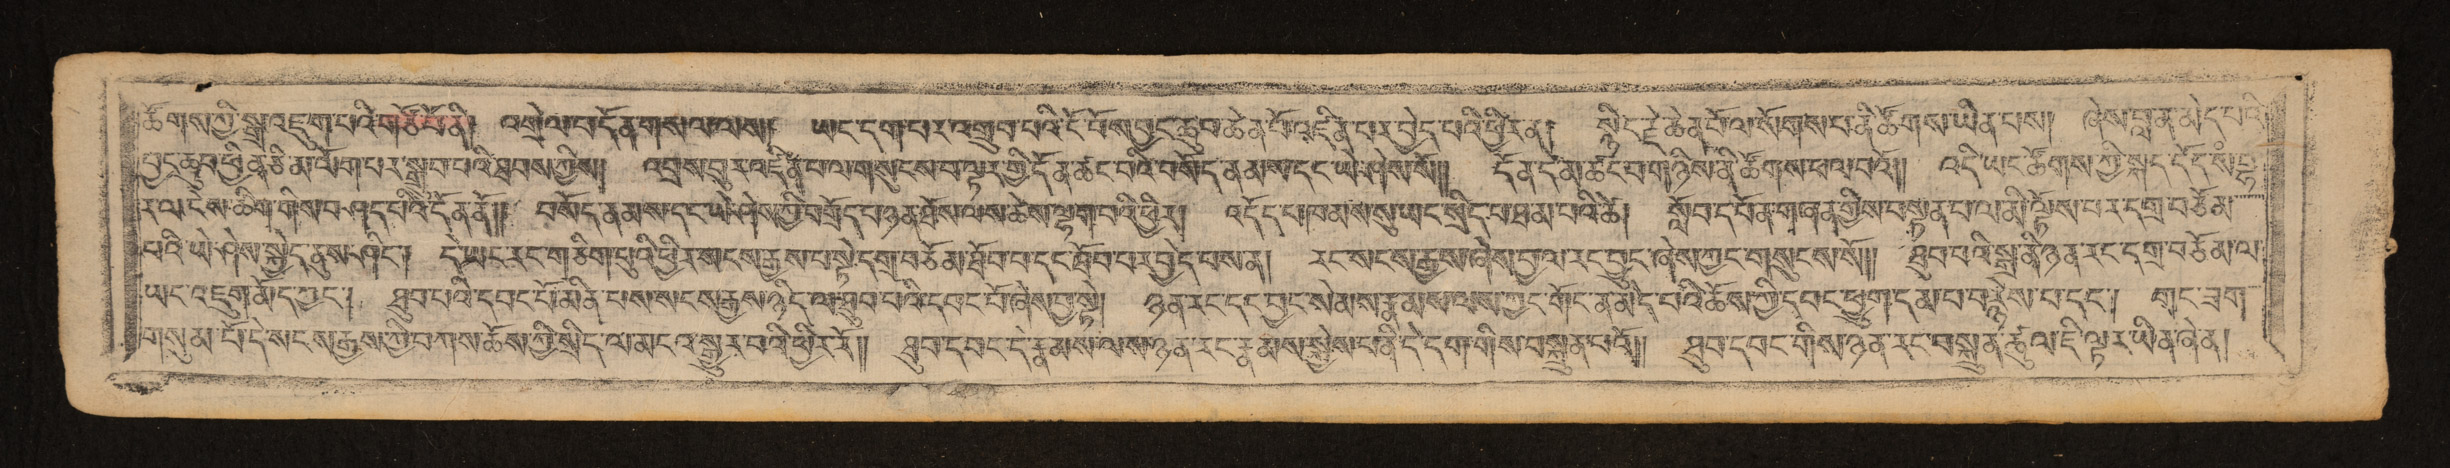ཚོགས་ཀྱི་སྒྲ་འཇུག་པའི་གཙོ་བོ་ནི། འགྲེལ་པ་དོན་གསལ་ལས། ཡང་དག་པར་འགྲུབ་པའི་ངོ་བོས་བྱང་ཆུབ་ཆེན་པོ་འཛིན་པར་བྱེད་པའི་ཕྱིར་ན། སྙིང་རྗེ་ཆེན་པོ་ལ་སོགས་པ་ནི་ཚོགས་ཡིན་པས། ཞེས་བླ་ན་མེད་པའི་
བྱང་ཆུབ་ཕྱིན་ཅི་མ་ལོག་པར་སྒྲུབ་པའི་ཐབས་ཀྱིས། འབྲས་བུར་འཛིན་པ་ལ་གསུངས་པ་ལྟར་གྱི་དོན་ཚང་བའི་བསོད་ནམས་དང་ཡེ་ཤེས་སོ།། དོན་དེ་མ་ཚང་བ་གཉིས་ནི་ཚོགས་ཕལ་བའོ།། འདི་ཡང་ཚོགས་ཀྱི་སྐད་དོད་སཾ་བྷ་
ར་ལ་ངེས་ཚིག་གིས་བཤད་པའི་དོན་ནོ།། བསོད་ནམས་དང་ཡེ་ཤེས་ཀྱི་བགྲོད་པ་ཉན་ཐོས་ལས་ཆེས་ལྷག་པའི་ཕྱིར། འདོད་པ་ཁམས་སུ་ཡང་སྲིད་པ་ཐ་མ་པའི་ཚེ། སློབ་དཔོན་གཞན་གྱིས་བསྟན་པ་ལ་མི་ལྟོས་པར་དགྲ་བཅོམ་
པའི་ཡེ་ཤེས་སྐྱེད་ནུས་ཤིང་། དེ་ཡང་རང་གཅིག་པུའི་ཕྱིར་སངས་རྒྱས་པ་སྟེ་དགྲ་བཅོམ་ཐོབ་པ་དང་ཐོབ་པར་བྱེད་པས་ན། རང་སངས་རྒྱས་ཞེས་བྱ་ལ་རང་བྱུང་ཞེས་ཀྱང་གསུངས་སོ།། ཐུབ་པའི་སྒྲ་ནི་ཉན་རང་དགྲ་བཅོམ་ལ་
ཡང་འཇུག་མོད་ཀྱང་། ཐུབ་པའི་དབང་པོ་མིན་པས་སངས་རྒྱས་ཉིད་ལ་ཐུབ་པའི་དབང་པོ་ཞེས་བྱ་སྟེ། ཉན་རང་དང་བྱང་སེམས་རྣམས་ལས་ཀྱང་གོང་ན་མེད་པའི་ཆོས་ཀྱི་དབང་ཕྱུག་དམ་པ་བརྙེས་པ་དང་། གང་ཟག་
གསུམ་པོ་དེ་སངས་རྒྱས་ཀྱི་བཀས་ཆོས་ཀྱི་སྲིད་ལ་མངའ་སྒྱུར་བའི་ཕྱིར་རོ།། ཐུབ་དབང་དེ་རྣམས་ལས་ཉན་རང་རྣམས་སྐྱེས་པ་ནི་དེ་དག་གིས་བསྐྲུན་པའོ།། ཐུབ་དབང་གིས་ཉན་རང་བསྐྲུན་ཚུལ་ཇི་ལྟར་ཡིན་ཞེ་ན།